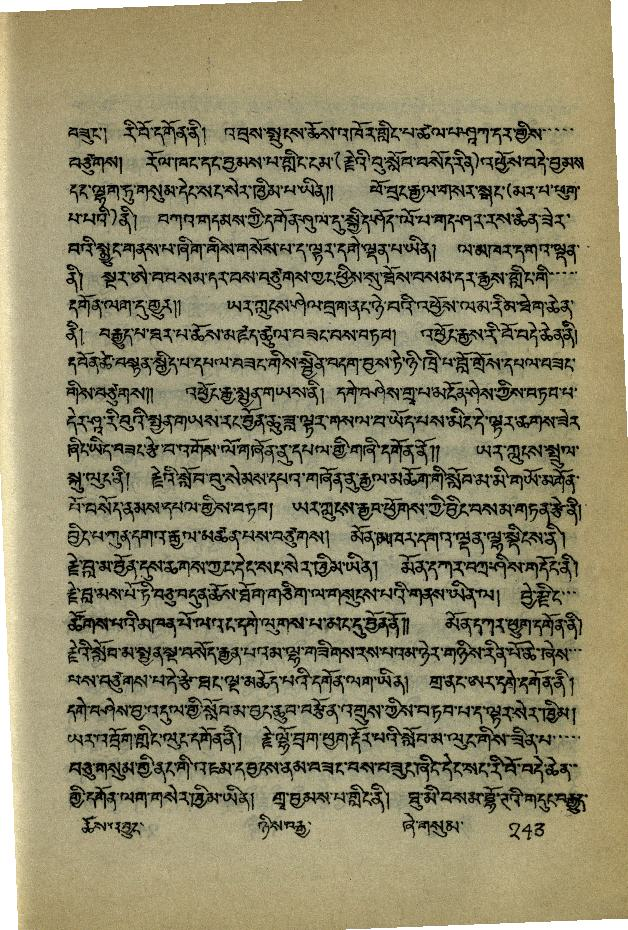བཟུང་། རི་བོ་དགོན་ནི། འབྲས་སྤུངས་ཆོས་འཁོར་གླིང་པ་ཚལ་པ་ཤཱཀ་དར་གྱིས་
བཙུགས། རོལ་ཁང་དང་བྱམས་པ་གླིང་ངམ་རྗེའི་བུ་སློབ་བསོད་རིན་འཕྱོས་བདེ་བྱམས་
དང་ལྷག་ཏུ་གསུམ་དེང་སང་སེར་ཁྱིམ་པ་ཡིན།། ཕོ་བྲང་རྒྱལ་གསར་སྒང་མར་པ་ཕུག་
པ་པའི་ནི། བཀའ་གདམས་ཀྱི་དགོན་ཤུལ་དུ་སྐྱིད་ཤོད་ལོ་པ་གད་ཤར་རས་ཆེན་ཟེར་
བའི་སྨྱུང་གནས་པ་ཞིག་གིས་གསོས་པ་ད་ལྟར་དགེ་ལྡན་པ་ཡིན། ལ་མཁར་དགའ་ལྡན་
ནི། སྔར་ཨེ་བ་བསམ་དར་བས་བཙུགས་ཀྱང་ཕྱིས་སུ་ཐོས་བསམ་དར་རྒྱས་གླིང་གི་
དགོན་ལག་དུ་གྱུར།། ཡར་ཀླུངས་ཤེལ་བྲག་ནང་ཉེ་བའི་འཕྱོས་ལམ་རིམ་ཐེག་ཆེན་
ནི། བརྒྱུད་པ་ཐར་པ་ཆོས་མཛད་ཚུལ་བཟང་བས་བཏབ། འཕྱོང་རྒྱས་རི་བོ་བདེ་ཆེན་ནི།
དབོན་ཚེ་བསྟན་སྐྱིད་པ་དཔལ་བཟང་གིས་སྦྱིན་བདག་བྱས་ཏེ་ཉི་ཁྲི་པ་བློ་གྲོས་དཔལ་བཟང་
གིས་བཙུགས།། འཕྱོང་རྒྱ་སྤྱན་གཡས་ནི། དགེ་བཤེས་གྲྭ་པ་མངོན་ཤེས་ཀྱིས་བཏབ་པ་
དེར་ཤཱ་རི་བུའི་སྤྱན་གཡས་རང་བྱོན་ཆུ་ཟླ་ལྟར་གསལ་བ་ཡོད་པས་མིང་དེ་ལྟར་ཆགས་ཟེར་
ཞིང་ཡིད་བཟང་རྩེ་བ་འགོས་ལོ་གཞོན་ནུ་དཔལ་གྱི་གཞི་དགོན་ནོ།། ཡར་ཀླུངས་སྤྲུལ་
སྐུ་ལུང་ནི། རྗེའི་སློབ་བུ་སེམས་དཔའ་གཞོན་ནུ་རྒྱལ་མཆོག་གི་སློབ་མ་མི་གཡོ་མགོན་
པོ་བསོད་ནམས་དཔལ་གྱིས་བཏབ། ཡར་ཀླུངས་རྒྱབ་ཕྱོགས་ཀྱི་བྱིང་བསམ་གཏན་རྩེ་ནི།
བྱིང་པ་ཀུན་དགའ་རྒྱལ་མཚན་པས་བཙུགས། མོན་མཁར་དགའ་ལྡན་ལྷ་སྡིངས་ནི།
རྗེ་བླ་མ་བྱོན་དུས་ཆགས་ཀྱང་དེང་སང་སེར་ཁྱིམ་ཡིན། མོན་དཀར་བཀྲ་ཤིས་གདོང་ནི།
རྗེ་བླ་མས་པོ་ཏི་བཅུ་བདུན་ཆོས་ཐོག་གཅིག་ལ་གསུངས་པའི་གནས་ཡིན་ལ། བྱེ་རྫིང་
ཚོགས་པའི་མཁན་པོ་ལའང་དགེ་ལུགས་པ་མང་དུ་བྱོན་ནོ།། མོན་དཀར་ཕྱུག་དགོན་ནི།
རྗེའི་སློབ་མ་སྤྱན་སྔ་བསོད་རྒྱན་པའམ་ལྷ་གཟིགས་རས་པའམ་ཉེར་གཉིས་རིན་པོ་ཆེ་ཞེས་
པས་བཙུགས་པ་དེ་རྩེ་ཐང་ལྔ་མཆོད་པའི་དགོན་ལག་ཡིན། གྲ་ནང་ཨར་དགེ་དགོན་ནི།
དགེ་བཤེས་བྱ་འདུལ་གྱི་སློབ་མ་བྱང་ཆུབ་བརྩོན་འགྲུས་ཀྱིས་བཏབ་པ་ད་ལྟར་སེར་ཁྱིམ།
ཡར་འབྲོག་གླིང་ལུང་དགོན་ནི། རྗེ་ལྷོ་བྲག་ཕྱག་རྡོར་པའི་སློབ་མ་ལུང་གིས་ཟིན་པ་
བཅུ་གསུམ་གྱི་ནང་གི་འཇམ་དབྱངས་ནམ་བཟང་བས་བཟུང་ཞིང་དེང་སང་རི་བོ་བདེ་ཆེན་
གྱི་དགོན་ལག་གསེར་ཁྱིམ་ཡིན། གྲྭ་བྱམས་པ་གླིང་ནི། ཐུ་མི་བསམ་བྷོ་ཊའི་གདུང་བརྒྱུད་